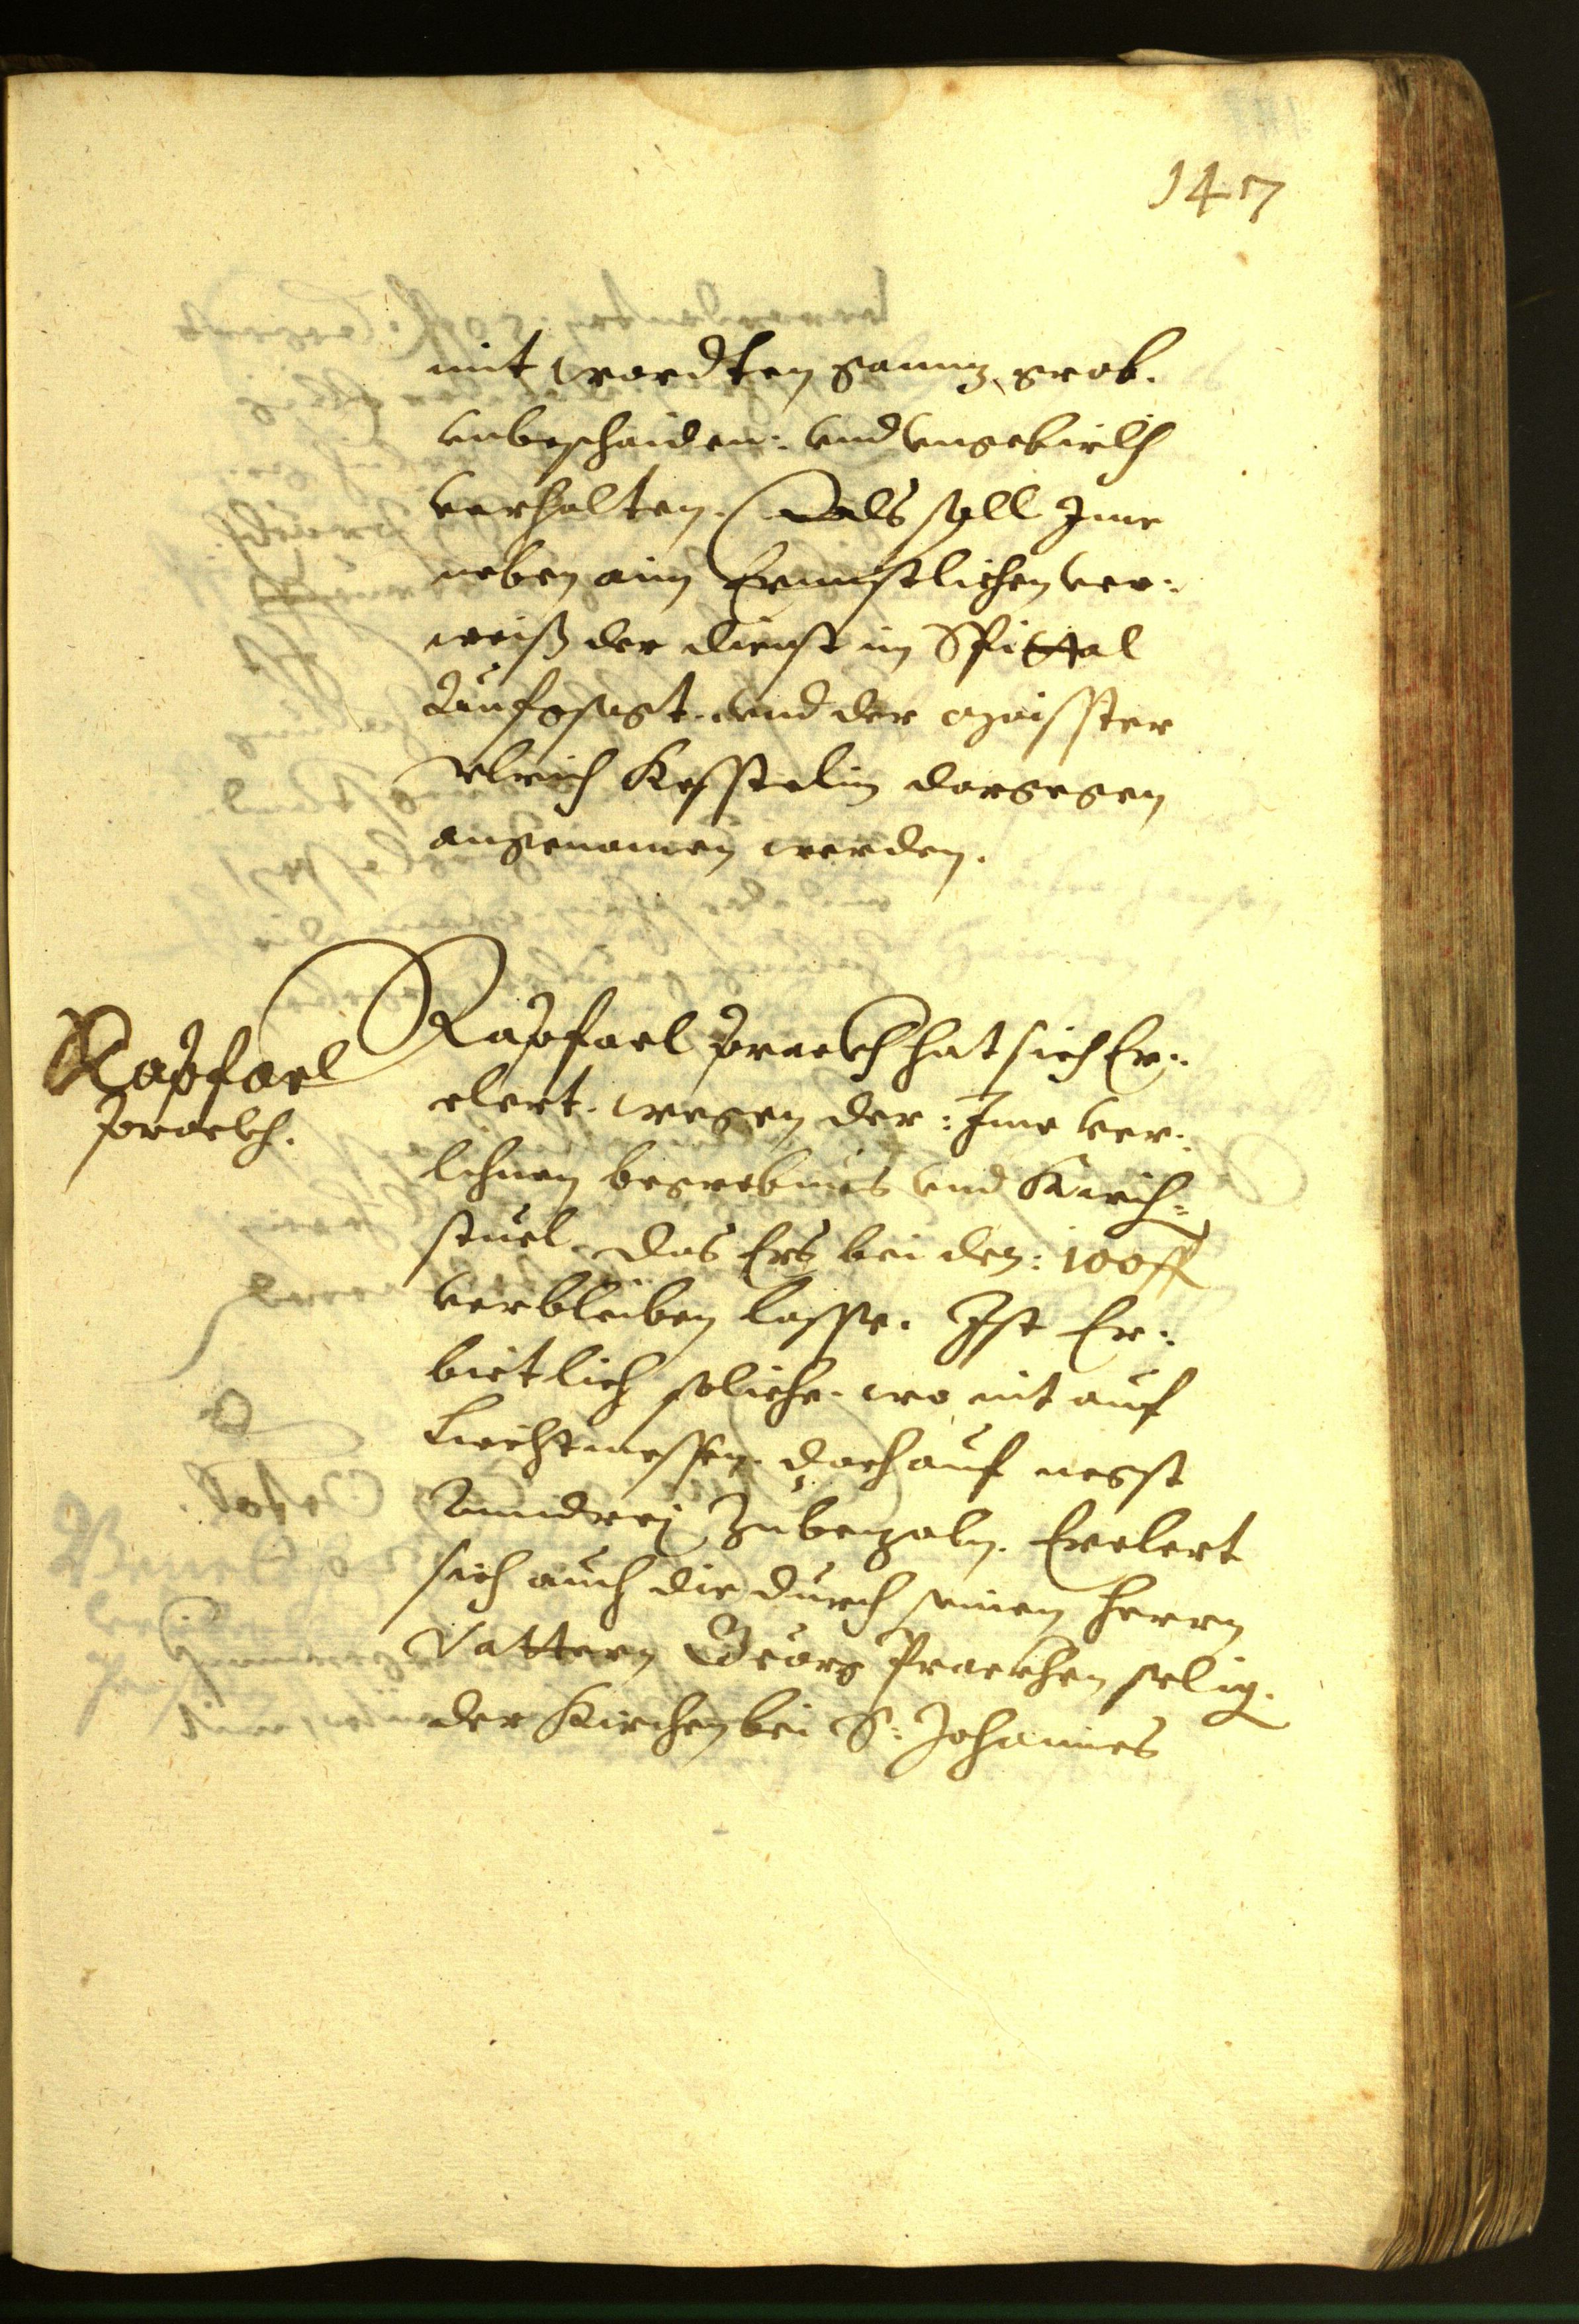147
mit wordten gannz grob.
vnbeschaiden: vnd vngebirlich
verhalten. Als soll Ime
neben aim Ernnstlichen ver¬
weiß der dienst im Spittal
Aūfgsagt. vnd der Maisster
Vlrich Kesstelin dargegen
angenommen werden.
Rapfael Prackh hat sich Er¬
clert. wegen der: Ime ver¬
lihnen begrebnūs vnd Kirch¬
stūel. das Ers bei den: 100 fl
verbleiben lasse. Ist Er¬
bietlich soliche. wo nit aūf
Liechtmessen. doch aūf negst
Anndrej Zū bezaln. Erclert
sich aūch die dūrch seinen herrn
Vattern Geōrg Prackhen selig
der Kirchen bei S: Johannes
Rapfael
Prackh.